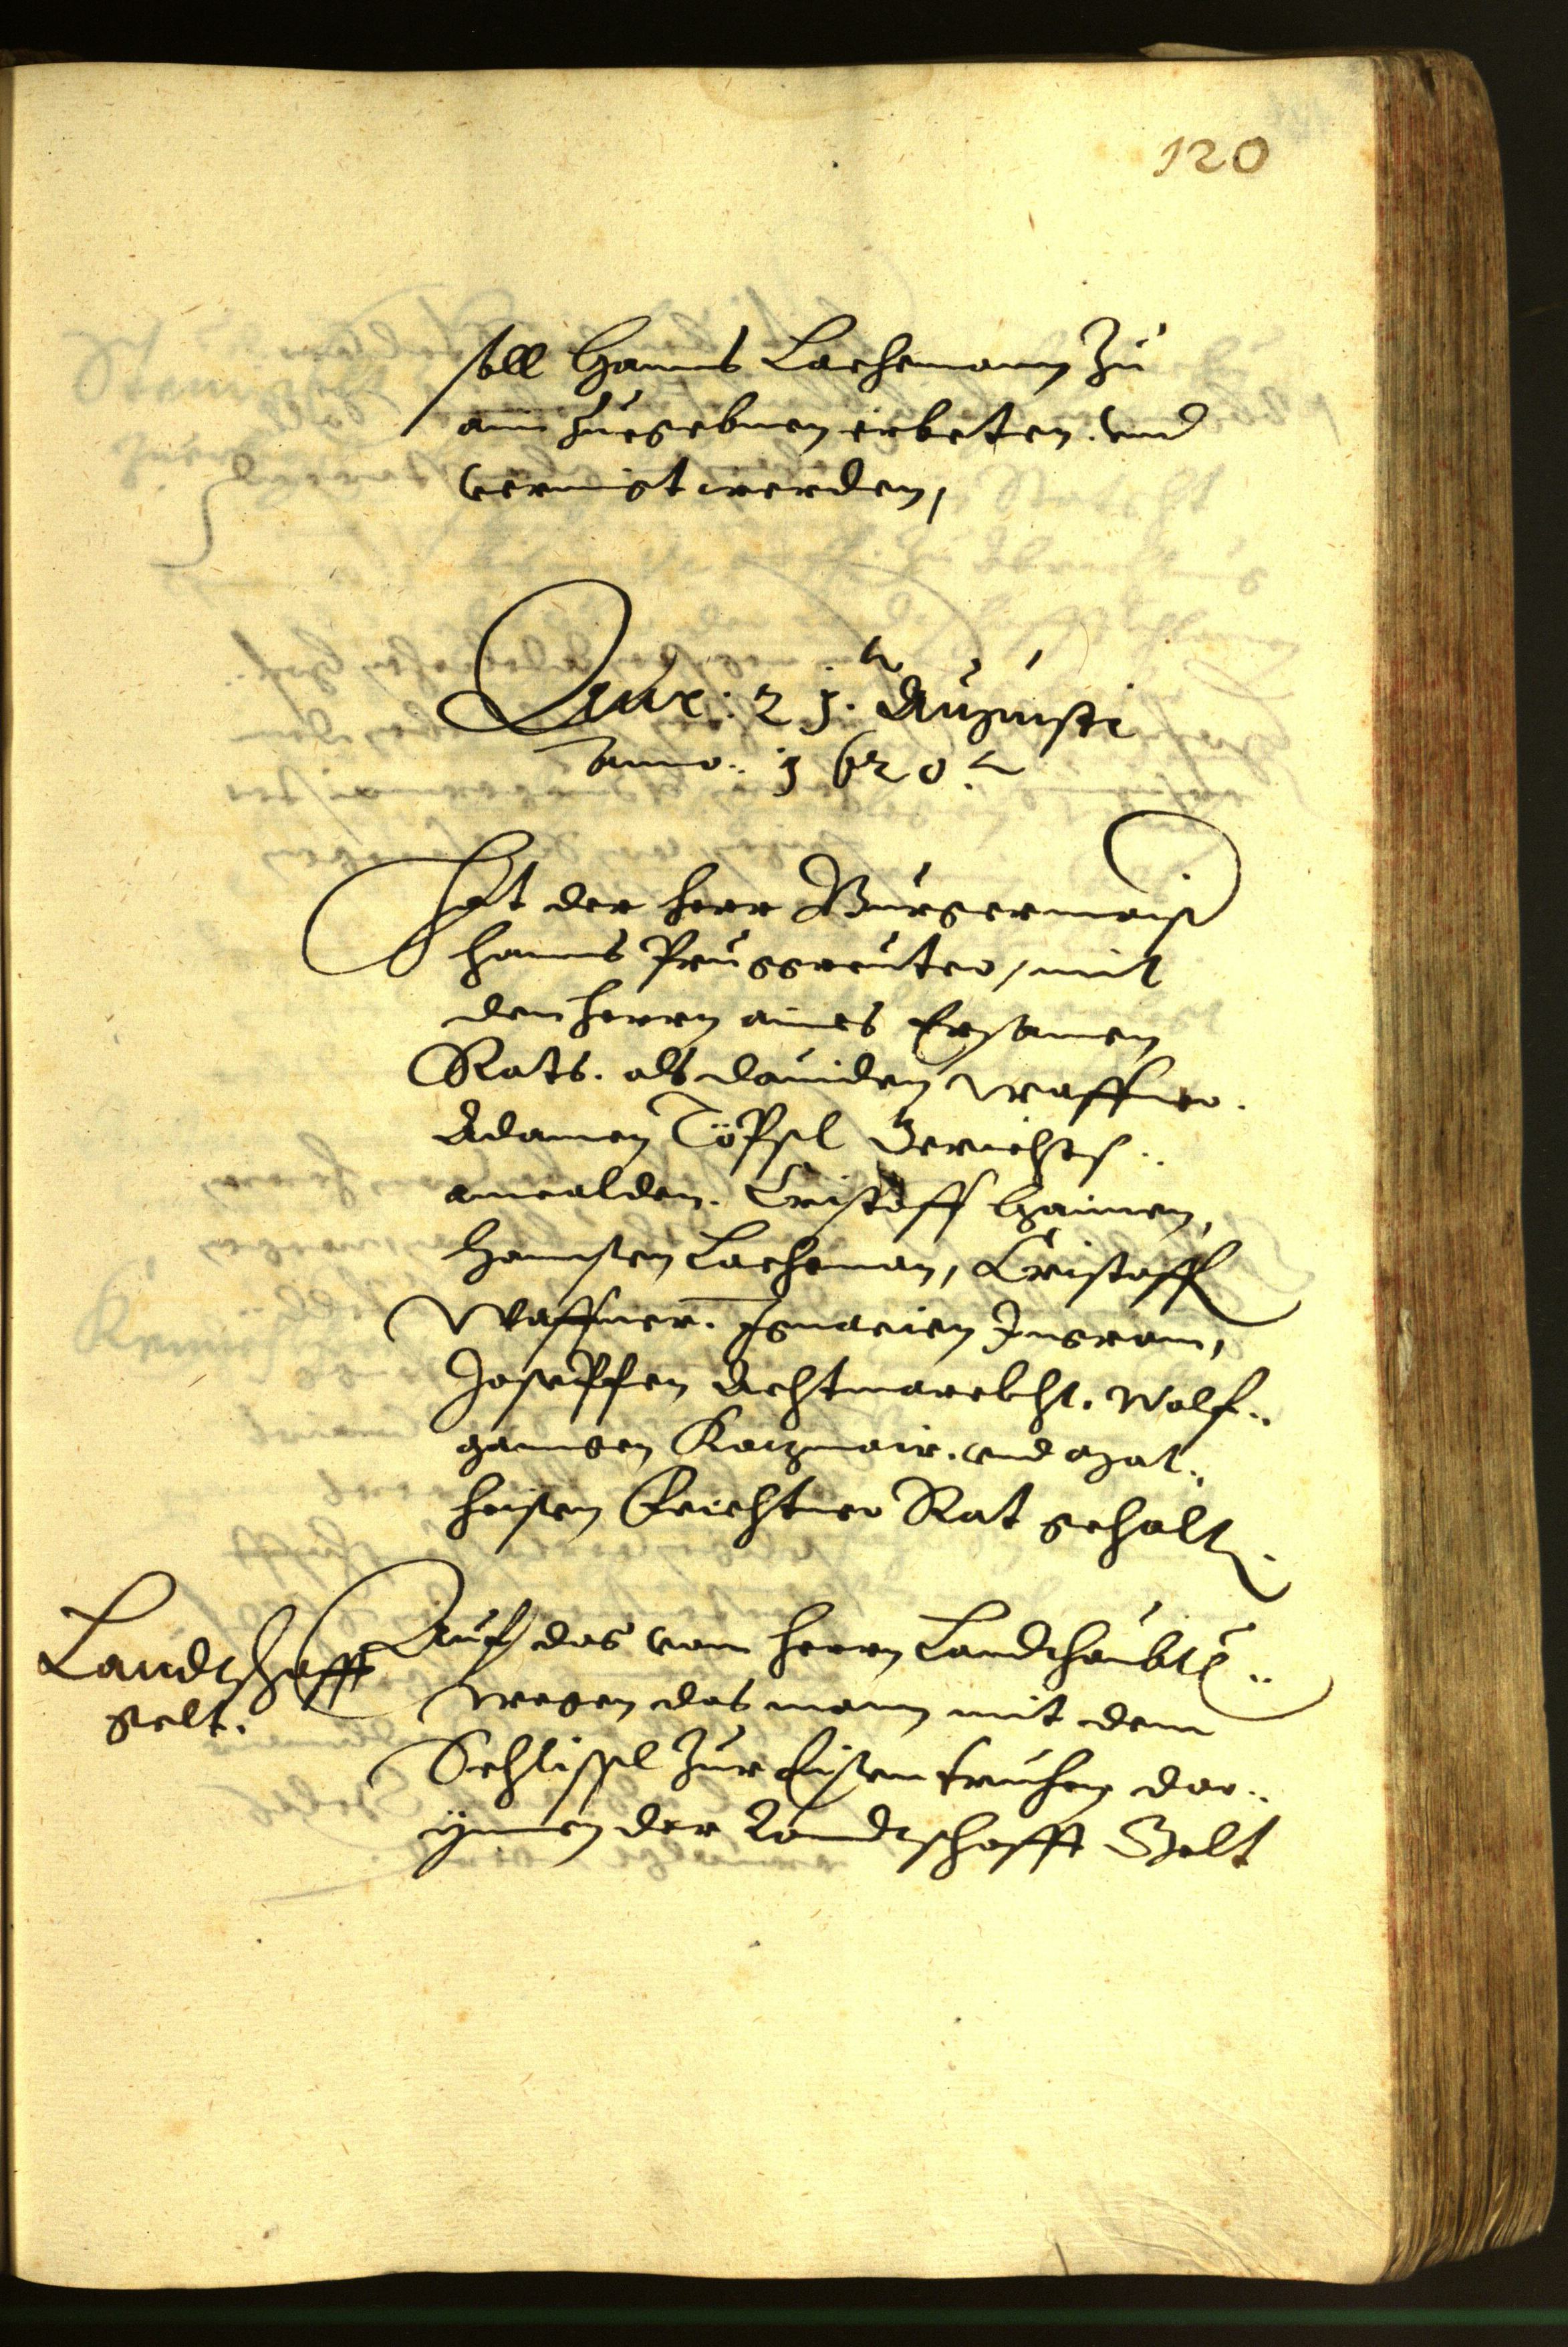120
soll Hanns Lochemann Zū
ain Zūegebnen erbeten. vnd
vermigt werden,
t
Am: 21. Aūgūsti
Anno: 1620.t
hat der herr Būrgermaist
Hanns Prūggreūter, mit
den herrn aines Ersamen
Rats. als Daūiden Waffner.
Adamen TöPsl Gerichts¬
anwalden. Cristoff Haimen,
Hannsen Locheman, Cristoff
Waffner. Ignacien Ingram,
JosePfen Achtmarckht. Wolf¬
ganngen Kazmair. vnd Mat¬
heisen Feichtner Rat gehalt.
Aūf das vom herrn Landthaūbt:
wegen das mann mit dem
Schlissl Zūr Eisen trūhen dar¬
ÿnnen der Lanndtschafft Gelt
Landschafft
gelt.